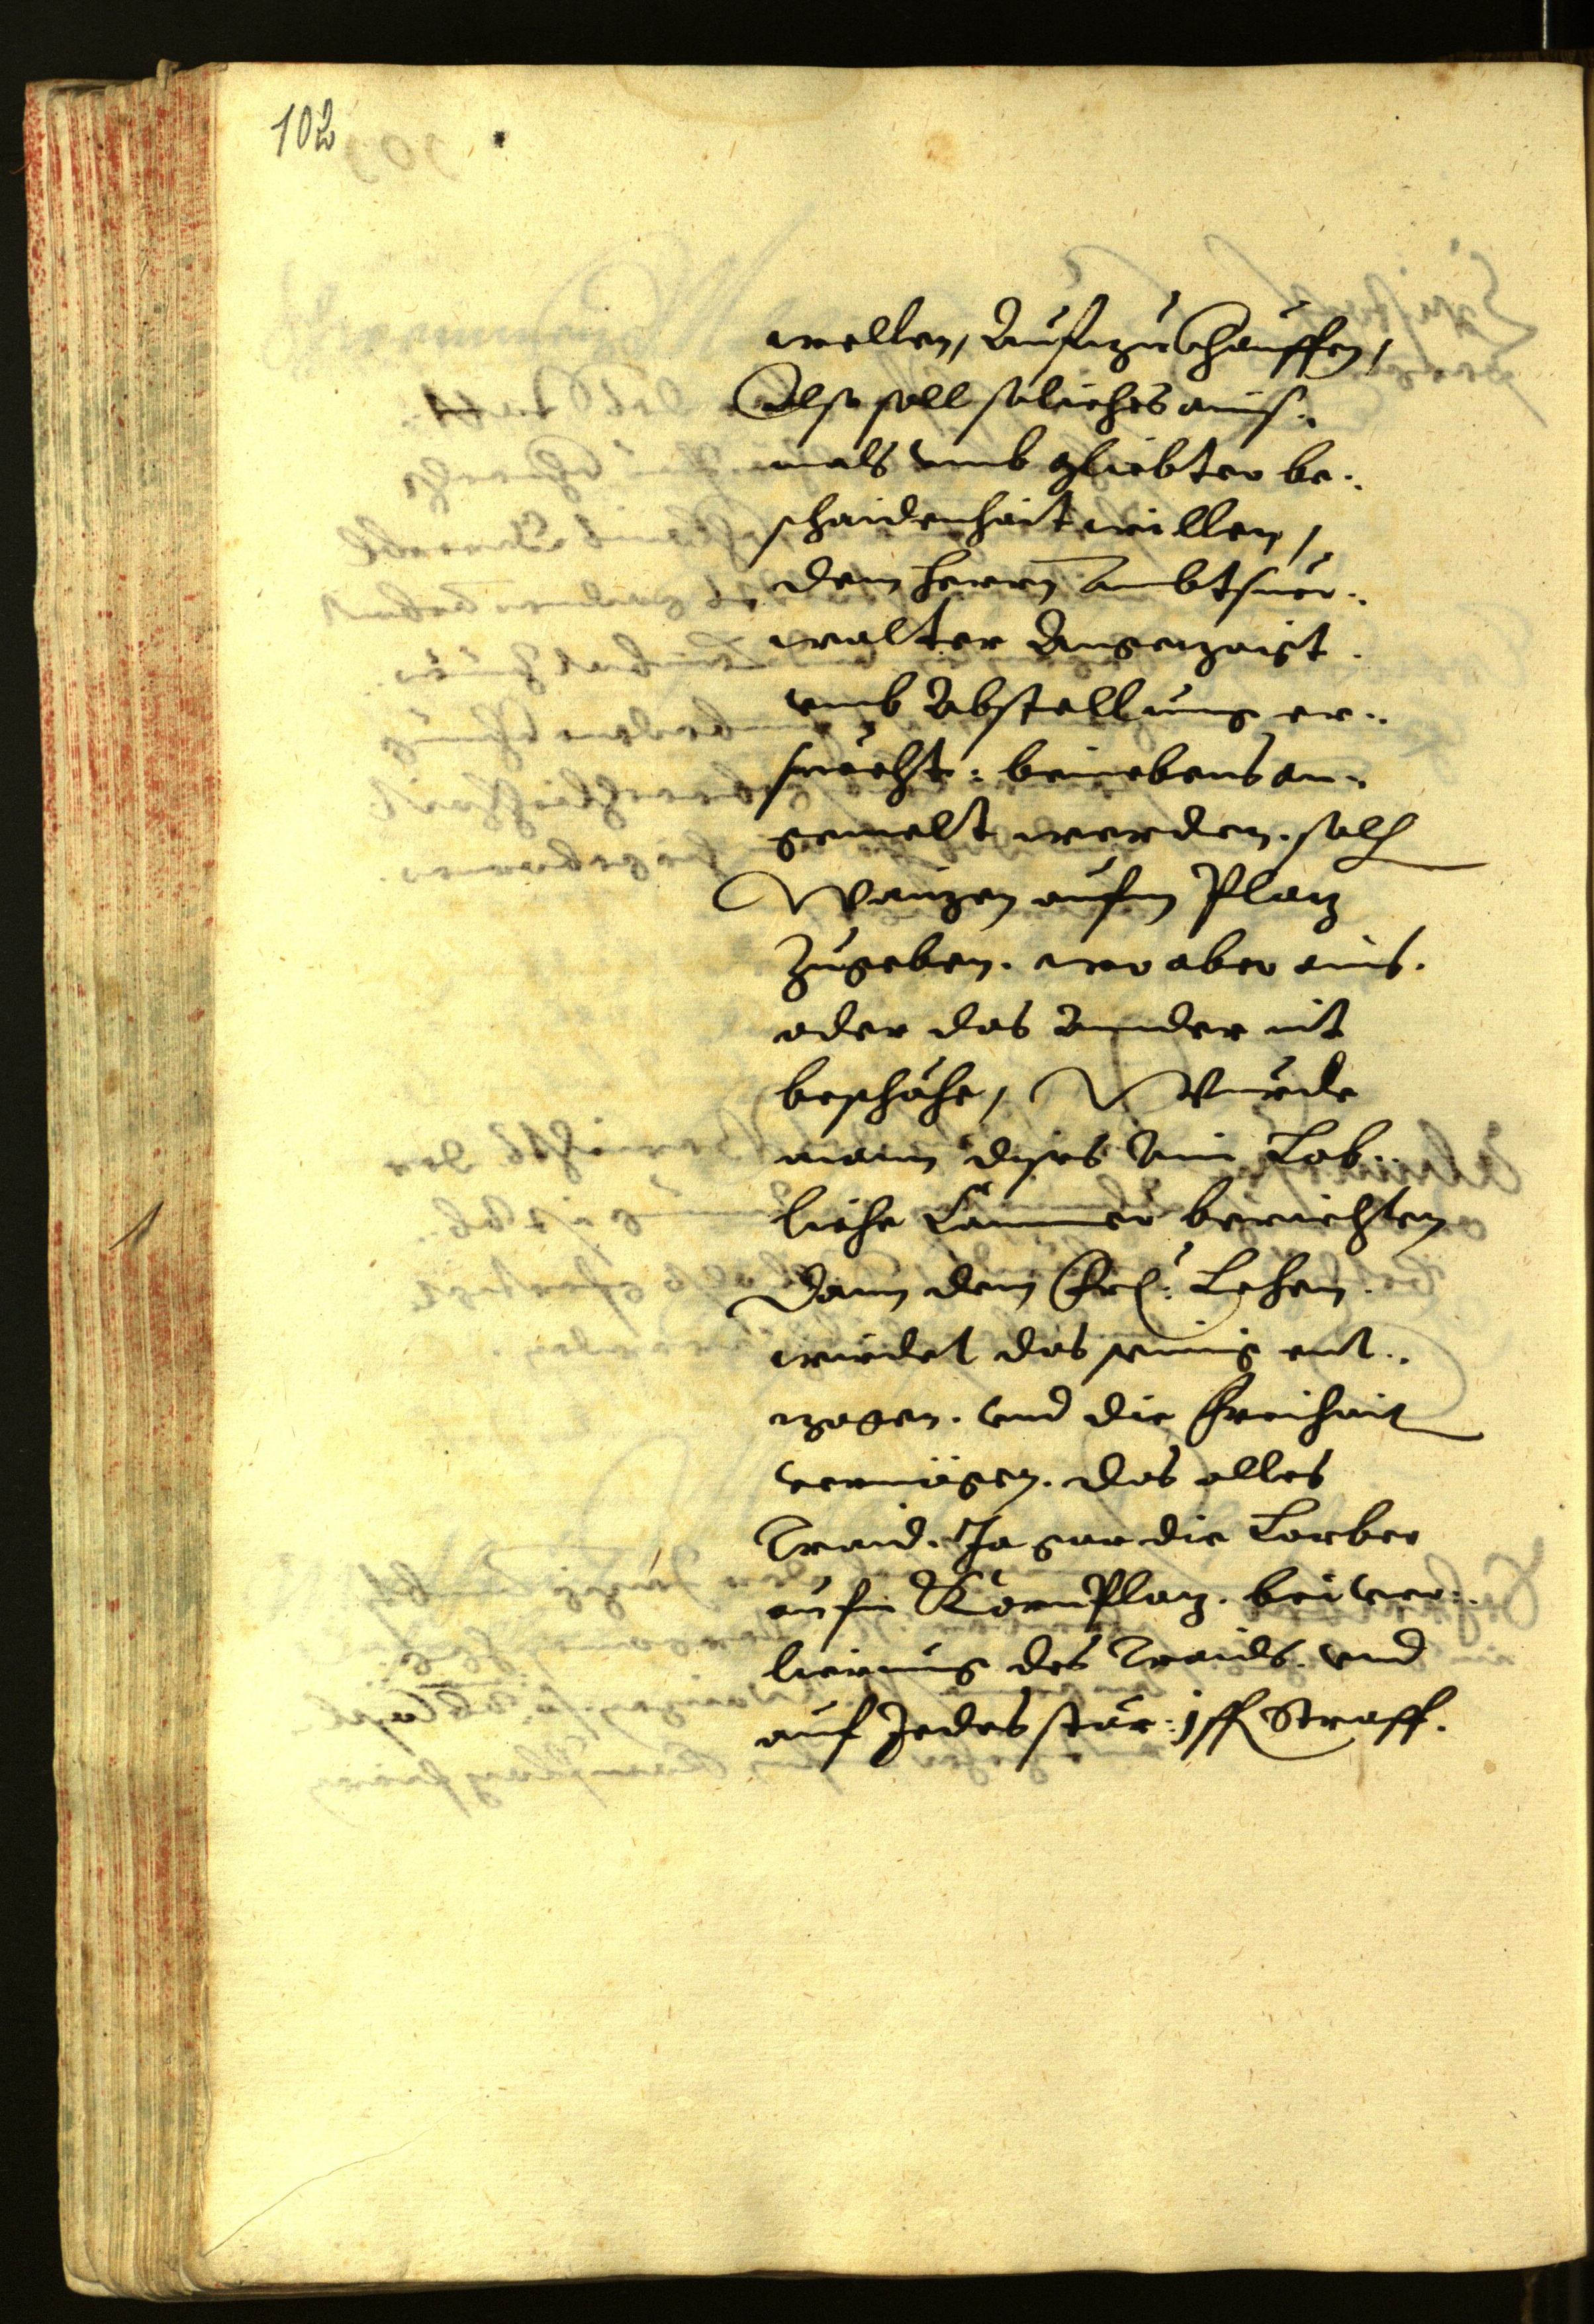102
wellen, Aūfzūkhaūffen,
Also soll soliches ains¬
mals vmb gliebter be¬
schaidenhait willen,
dem herrn Ambtsver¬
walter Angezaigt.
vmb Abstellūng er¬
sūecht: beinebens an¬
gemelt werden. solh
Waizen aūfm Plaz
Zūgeben. wer aber ains.
oder das Annder nit
beschāhe, Wūrde
mann dises Ain Lob¬
liche Cammer berichten
dann dem Frl: Lehen.
wirdet das seinig ent¬
zogen. vnd die Freihait
vermögen. das alles
Traid. Ja gar die Lorber
aūfm KornPlaz. bei ver¬
lierūng des Traids. vnd
aūf Jedes stār: 1 fl Straff.